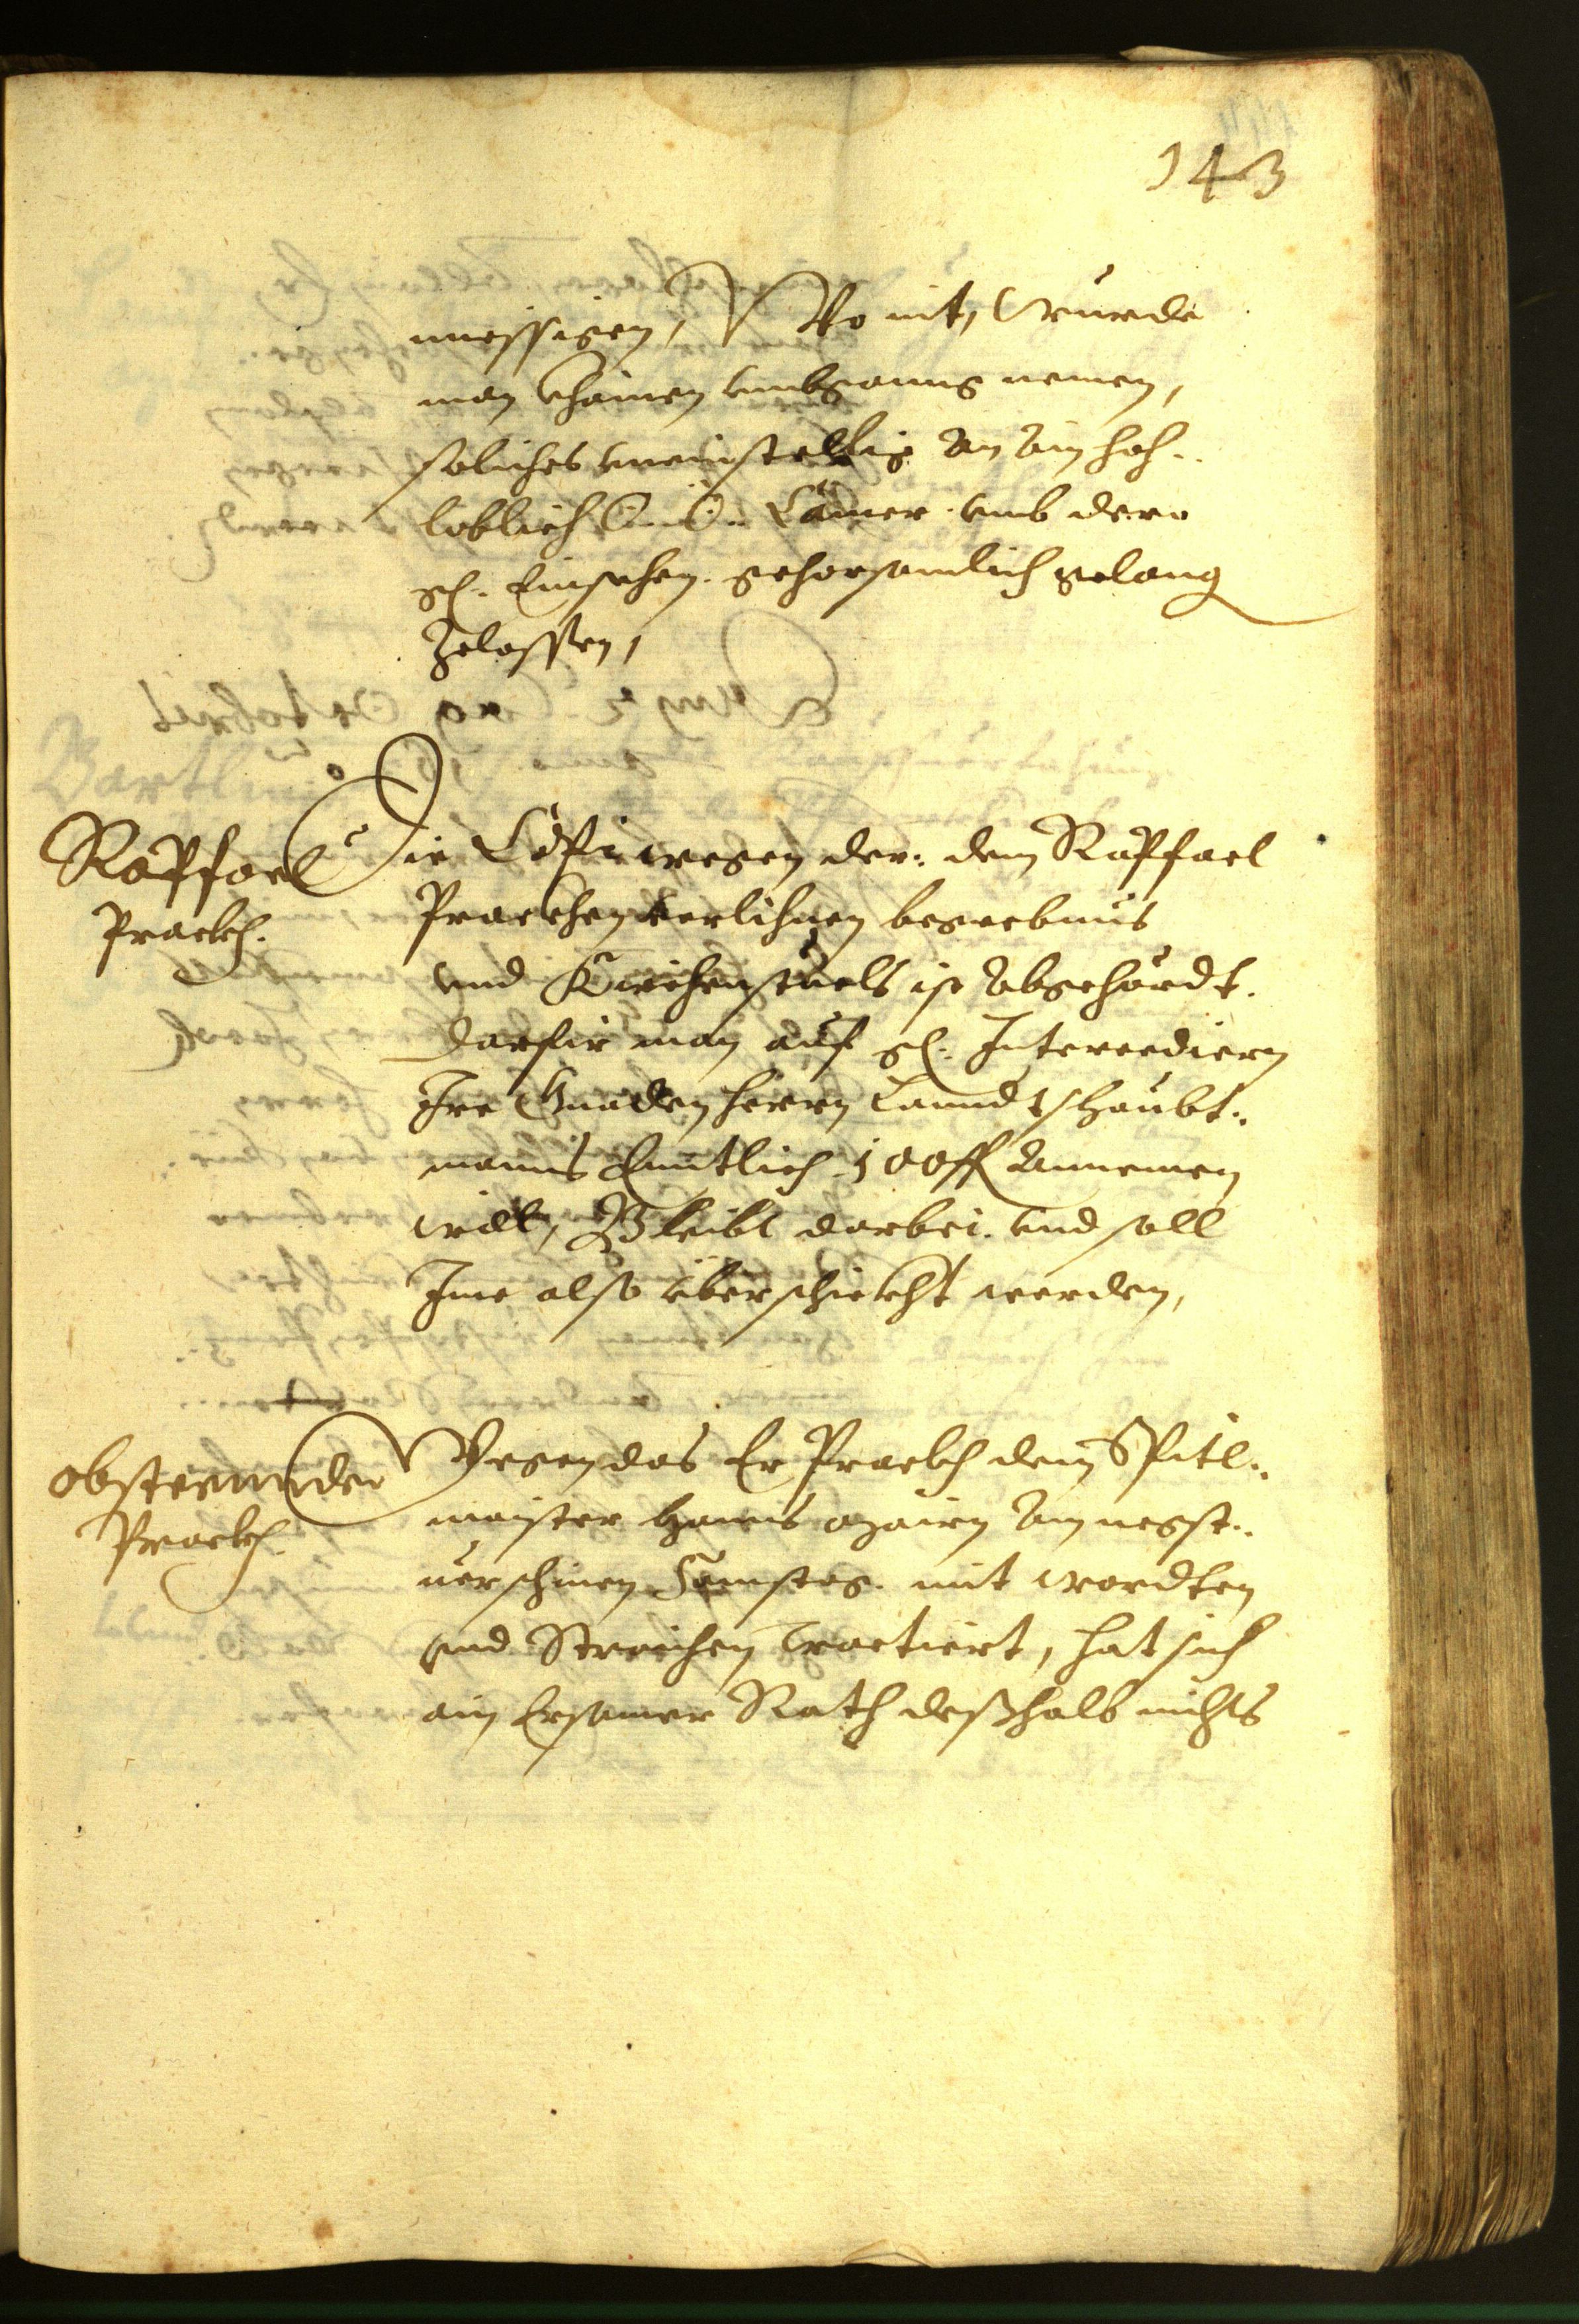143
miessigen, Wo nit, wūrde
man khainen vmbganng nemen,
soliches vneinstellig An Ain hoh¬
loblich O.. Ö.. Camer. vmb dero
g: Einsehen. gehorsamlich gelang
Zelassen,
Die CoPi wegen der: dem RaPfael
Prackhen verlihnen begrebnūs
vnd Kirchenstūels ist Abgehōrdt.
darfir man aūf g: Intercediern
Ire Gnaden herrn Lanndtshaūbt¬
manns Enntlich 100 fl Annemen
will, Bleibt darbei. vnd soll
Ime also v̈ber schickht werden,
RaPfael
Prackh.
Wegen das Er Prackh dem SPitl¬
maister Hanns Mairn Am negst¬
ūerschinen Samstag. mit wordten
vnd Straichen Tractiert, hat sich
ain Ersamer Rath deßhalb nichts
Obsteender
Prackh.